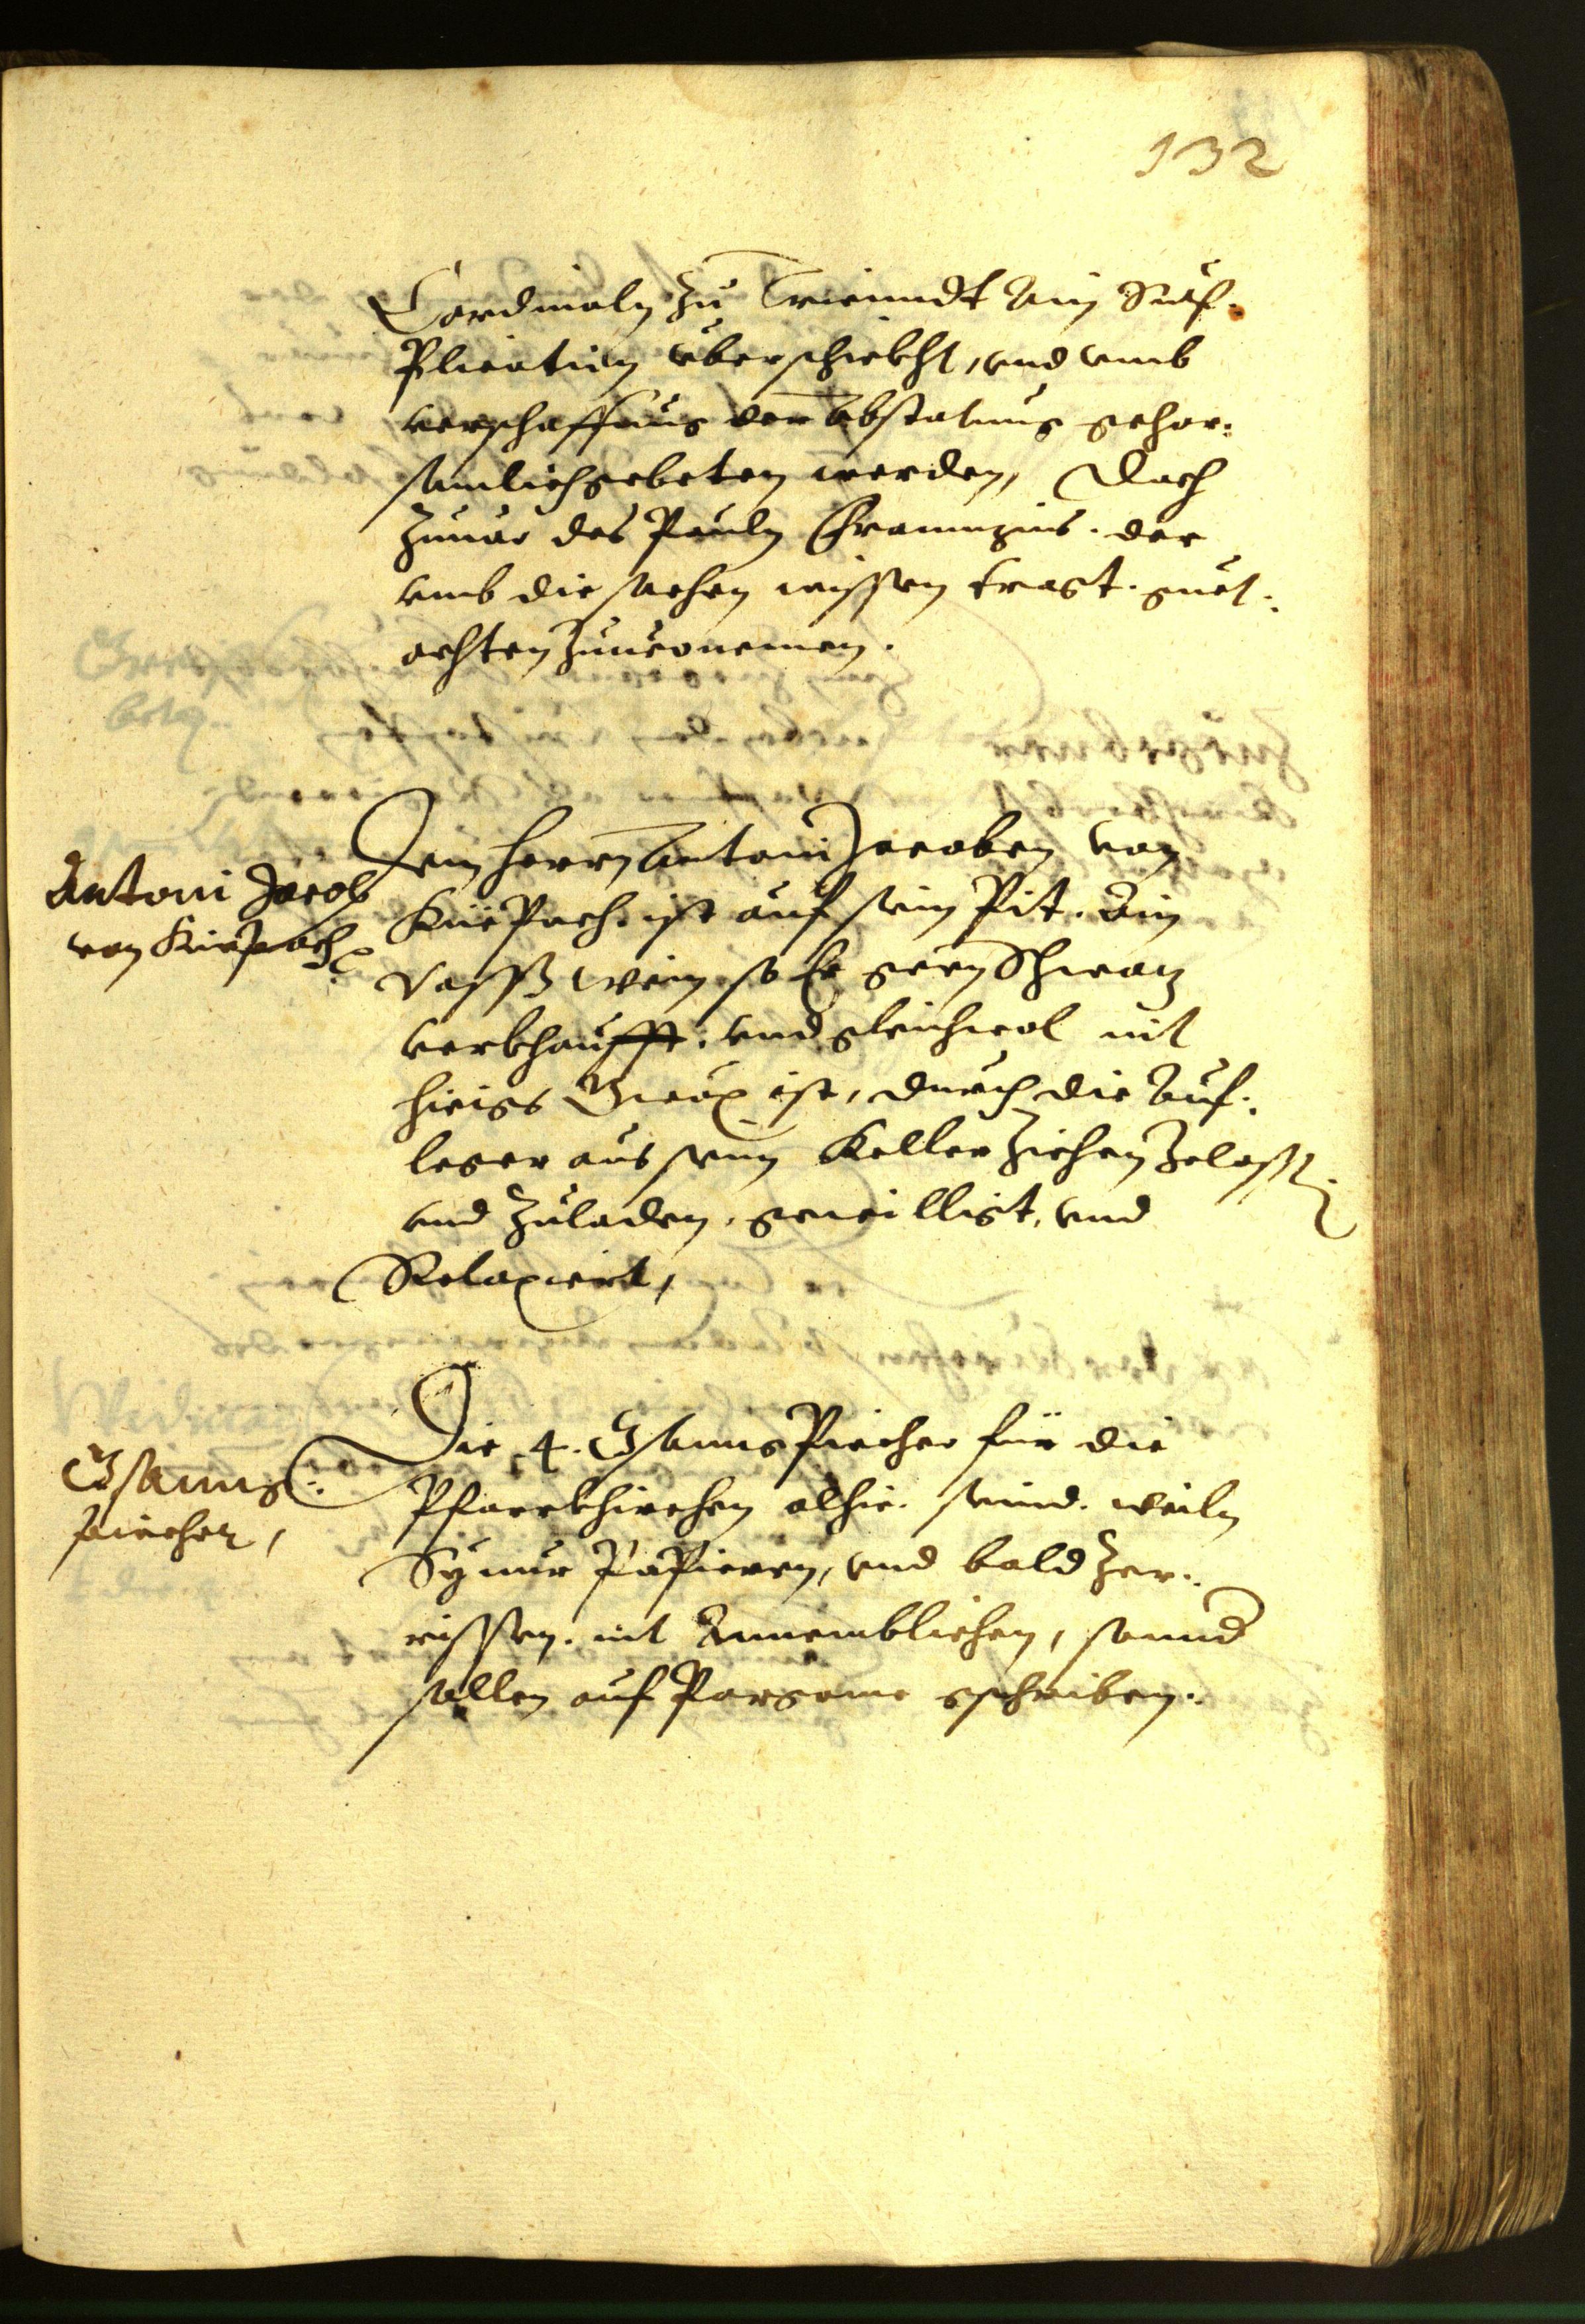132
Cardinaln Zū Trienndt Ain Sūp¬
Plication v̄berschickht, vnd vmb
verschaffūng der Abstatūng gehor¬
samlich gebeten werden, Doch
Zūūor des Paūln Frannzins. der
vmb die sachen wissen tragt. gūet¬
achten Zūūernemen.
Dem herrn Antoni Jacoben von
KüePach ist aūf sein Pit. Ain
Vasß Wein so Er geen Schwaz
verkhaūfft. vnd gleichwol nit
hieigs Gwāx ist, dūrch die Aūf¬
leger aūs seim Keller Zichen Zelass.
vnd Zūladen. gewilligt. vnd
Relaxiert,
Antoni Jacob
von KiePach etc.
Die .4. GsanngPpiecher für die
Pfarrkhirchen alhie. seind. weiln
Sȳ nūr PaPieren, vnd bald Zer¬
rissen. nit Annemblichen, sonnd
sollen aūf Porgame gschriben¬
Gsanng¬
piecher,